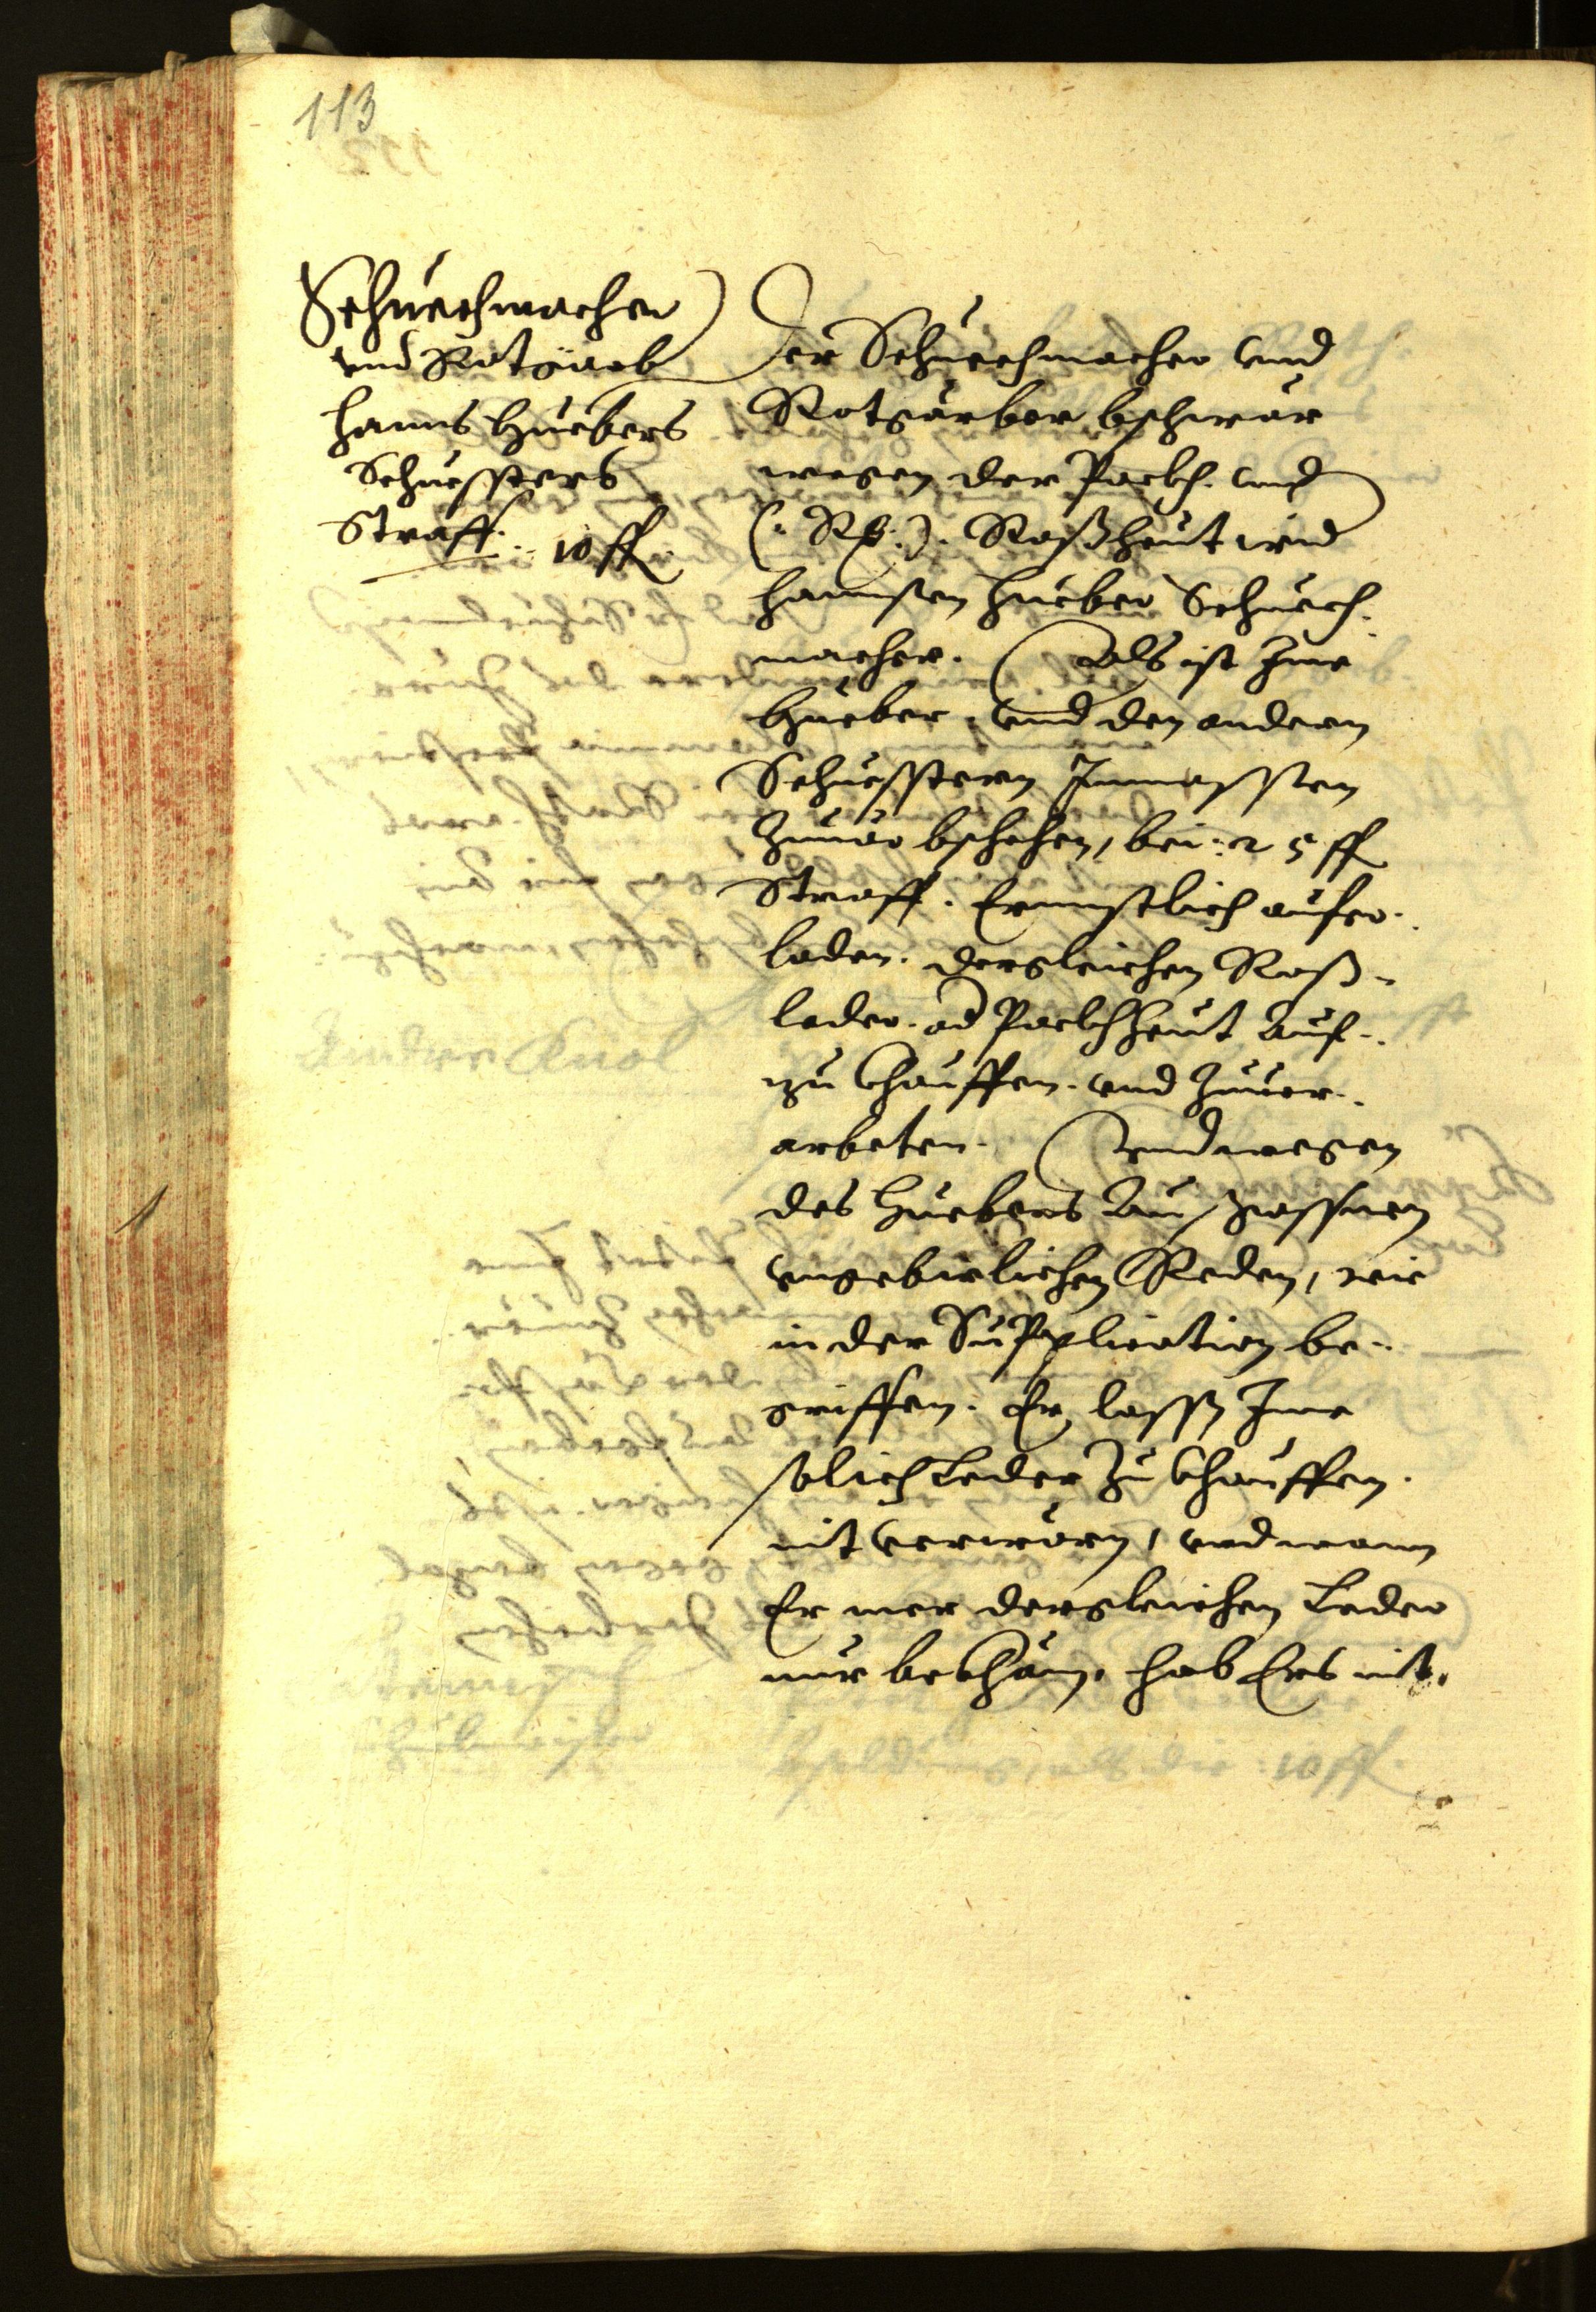113
Schūechmacher
vnd Rotgärb
hanns Hūebers
Schūessters
Straff.
—: 10 fl.
Der Schūechmacher vnd
Rotgārber beschwār
wegen der Packh. vnd
(:R.). Roßheūt wid
hannsen hūeber Schūech¬
macher. Als ist Ime
Hūeber. vnd den andern
Schūesstern Inmassen
Zūūor bschehen, bei: 25 fl
Straff. Ernnstlich aūfer¬
laden. dergleichen Roß¬
leder. od Packhheūt Aūf¬
zū khaūffen. vnd Zūūer¬
arbeten. Vnd wegen
des Hūebers Aūsgossnen
vngebirlichen Reden, wie
in der SūPplication be¬
griffen. Er lasß Ime
solich Leder Zū khaūffen.
nit verwörn, vnd wann
Er mer dergleichen Leder
nūr bekhām, hab Ers nit.